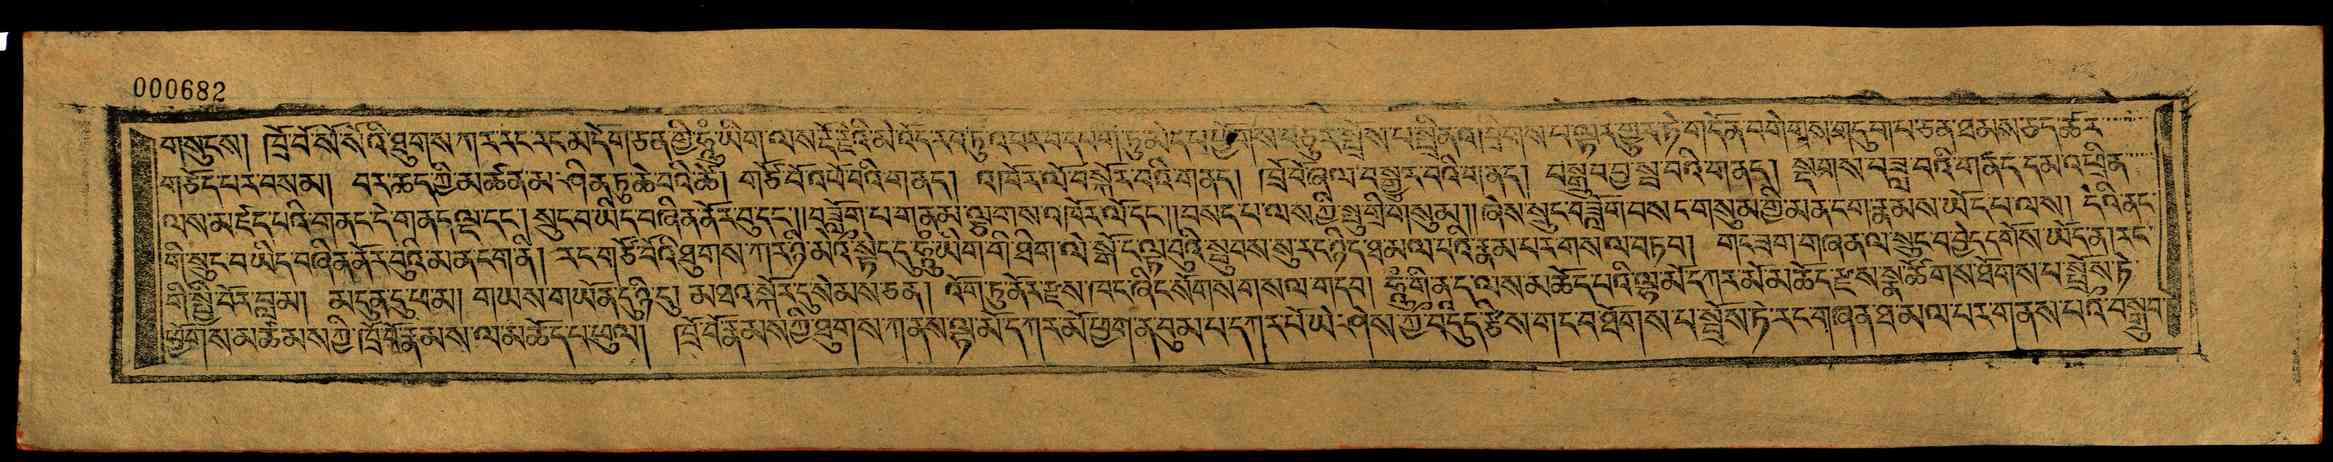གསུངས། ཁྲོ་བོ་སོ་སོའི་ཐུགས་ཀར་རང་རང་མདོག་ཅན་གྱི་ཧཱུཾ་ཡིག་ལས་རྡོ་རྗེའི་མེ་འོད་རབ་ཏུ་འབར་བ་དཔག་ཏུ་མེད་པ་ཕྱོགས་བཅུར་སྤྲོས་པ་སྤྲིན་འཁྲིགས་པ་ལྟར་གྱུར་ཏེ་གདོན་བགེགས་གདུག་པ་ཅན་ཐམས་ཅད་ཚར་
གཅོད་པར་བསམ། བར་ཆད་ཀྱི་མཚན་མ་ཤིན་ཏུ་ཆེ་བའི་ཚེ། གཙོ་བོ་འཕོ་བའི་གནད། འཁོར་ལོ་བསྐོར་བའི་གནད། འཁྲོ་བོ་ཞལ་བསྒྱུར་བའི་གནད། བསྒྲུབ་བྱ་སྦ་བའི་གནད། སྔགས་བཟླ་བའི་གནད་དམ་འཕྲིན་
ལས་མཛད་པའི་གནད་དེ་གནད་ལྔ་དང་། སྲུང་བ་ཡིད་བཞིན་ནོར་བུ་དང་། །བཟློག་པ་གནམ་ལྕགས་འཁོར་ལོ་དང་། །བསད་པ་ལས་ཀྱི་སྤུ་གྲི་གསུམ། །ཞེས་སྲུང་བཟློག་བསད་གསུམ་གྱི་མན་ངག་རྣམས་ཡོད་པ་ལས། དེའི་ནང་
གི་སྲུང་བ་ཡིད་བཞིན་ནོར་བུའི་མན་ངག་ནི། རང་གཙོ་བོའི་ཐུགས་ཀར་ཉི་མའི་སྟེང་དུ་ཧཱུཾ་ཡིག་གི་ཐིག་ལེ་སྒོ་ང་ལྟ་བུའི་སྦུབས་སུ་རང་ཉིད་ཐ་མལ་བའི་རྣམ་པར་གསལ་བཏབ། གང་ཟག་གཞན་ལ་སྲུང་བ་བྱེད་དགོས་ཡོད་ན། རང་
གི་སྤྱི་བོར་བླ་མ། མདུན་དུ་ཕ་མ། གཡས་གཡོན་དུ་ཉེ་དུ། མཐའ་སྐོར་དུ་སེམས་ཅན། འོག་ཏུ་ནོར་རྫས་ཁང་ཞིང་སོགས་གསལ་གདབ། ཧཱུཾ་གི་ནཱ་ད་ལས་མཆོད་པའི་ལྷ་མོ་དཀར་མོ་མཆོད་རྫས་སྣ་ཚོགས་ཐོགས་པ་སྤྲོས་ཏེ་
ཕྱོགས་མཚམས་ཀྱི་ཁྲོ་བོ་རྣམས་ལ་མཆོད་པ་ཕུལ། ཁྲོ་བོ་རྣམས་ཀྱི་ཐུགས་ཀ་ནས་ལྷ་མོ་དཀར་མོ་ཕྱག་ན་བུམ་པ་དཀར་པོ་ཡེ་ཤེས་ཀྱི་བདུད་རྩིས་གང་བ་ཐོགས་པ་སྤྲོས་ཏེ་རང་གཞན་ཐ་མལ་པར་གནས་པའི་བསྒྲུབ་